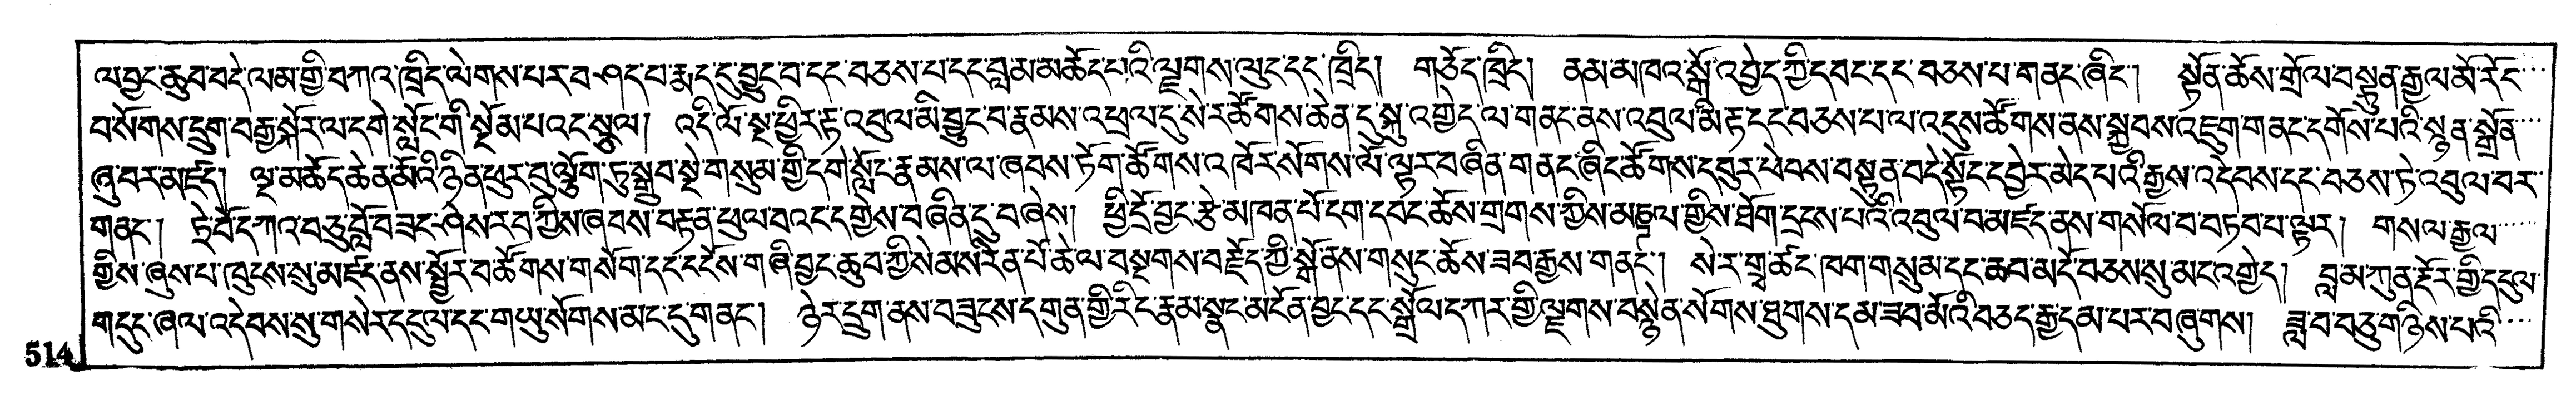ལ་བྱང་ཆུབ་བདེ་ལམ་གྱི་བཀའ་ཁྲིད་ལེགས་པར་བཤད་པ་རྨད་དུ་བྱུང་བ་དང་བཅས་པ་དང་བླ་མ་མཆོད་པའི་ལྗགས་ལུང་དང་ཁྲིད། གཅོད་ཁྲིད། ནམ་མཁའ་སྒྲོ་འབྱེད་ཀྱི་དབང་དང་བཅས་པ་གནང་ཞིང་། སྟོན་ཆོས་གྲོལ་བསྟུན་རྒྱལ་མོ་རོང་
པ་སོགས་དྲུག་བརྒྱ་སྐོར་ལ་དགེ་སློང་གི་སྔོམ་བའང་སྩལ། འདི་ལོ་སྔ་ཕྱིར་རྟ་འབུལ་མི་བྱུང་བ་རྣམས་འཕྲལ་དུ་སེར་ཚོགས་ཆེན་དུ་སྐུ་འགྱེད་ལ་གནང་ནས་འབུལ་མི་རྟ་དང་བཅས་པ་ལ་འདུས་ཚོགས་ནས་སྐྱབས་འཇུག་གནང་དགོས་པའི་སྙན་སྒྲོན་
ཞུ་བར་མཛད། ལྔ་མཆོད་ཆེན་མོའི་ཉིན་ཕུར་བུ་ལྕོག་ཏུ་སྒྲུབ་སྡེ་གསུམ་གྱི་དགེ་སློང་རྣམས་ལ་ཞབས་ཏོག་ཚོགས་འཁོར་སོགས་ལོ་ལྟར་བཞིན་གནང་ཞིང་ཚོགས་དབུར་ཕེབས་བསྟུན་བདེ་སྟོང་དབྱེར་མེད་པའི་རྒྱས་འདེབས་དང་བཅས་ཏེ་འབུལ་བར་
གནང་། ཏྲེ་བོ་དཀའ་བཅུ་བློ་བཟང་ཤེས་རབ་ཀྱིས་ཞབས་བརྟན་ཕུལ་བའང་དགྱེས་བཞིན་དུ་བཞེས། ཕྱི་དྲོ་བྱང་རྩེ་མཁན་པོ་ངག་དབང་ཆོས་གྲགས་ཀྱིས་མཎྜལ་གྱིས་ཐོག་དྲངས་པའི་འབུལ་བ་མཛད་ནས་གསོལ་བ་བཏབ་བ་ལྟར། གསལ་རྒྱལ་
གྱིས་ཞུས་པ་ཁུངས་སུ་མཛད་ནས་སྦྱོར་བ་ཚོགས་གསོག་དང་དངོས་གཞི་བྱང་ཆུབ་ཀྱི་སེམས་རིན་པོ་ཆེ་ལ་བསྔགས་བརྗོད་ཀྱི་སྒོ་ནས་གསུང་ཆོས་ཟབ་རྒྱས་གནང་། སེར་གྲྭ་ཚང་ཁག་གསུམ་དང་ཆབ་མདོ་བཅས་སུ་མང་འགྱེད། བླ་མ་ཀུན་རྡོར་གྱི་དངུལ་
གདུང་ཞལ་འདེབས་སུ་གསེར་དངུལ་དང་གཡུ་སོགས་མང་དུ་གནང་། ཉེར་དྲུག་ནས་བཟུངས་དགུན་གྱི་རིང་རྣམ་སྣང་མངོན་བྱང་དང་སྒྲོལ་དཀར་གྱི་ལྗགས་བསྙེན་སོགས་ཐུགས་དམ་ཟབ་མོའི་བཅད་རྒྱ་དམ་པར་བཞུགས། ཟླ་བ་བཅུ་གཉིས་པའི་